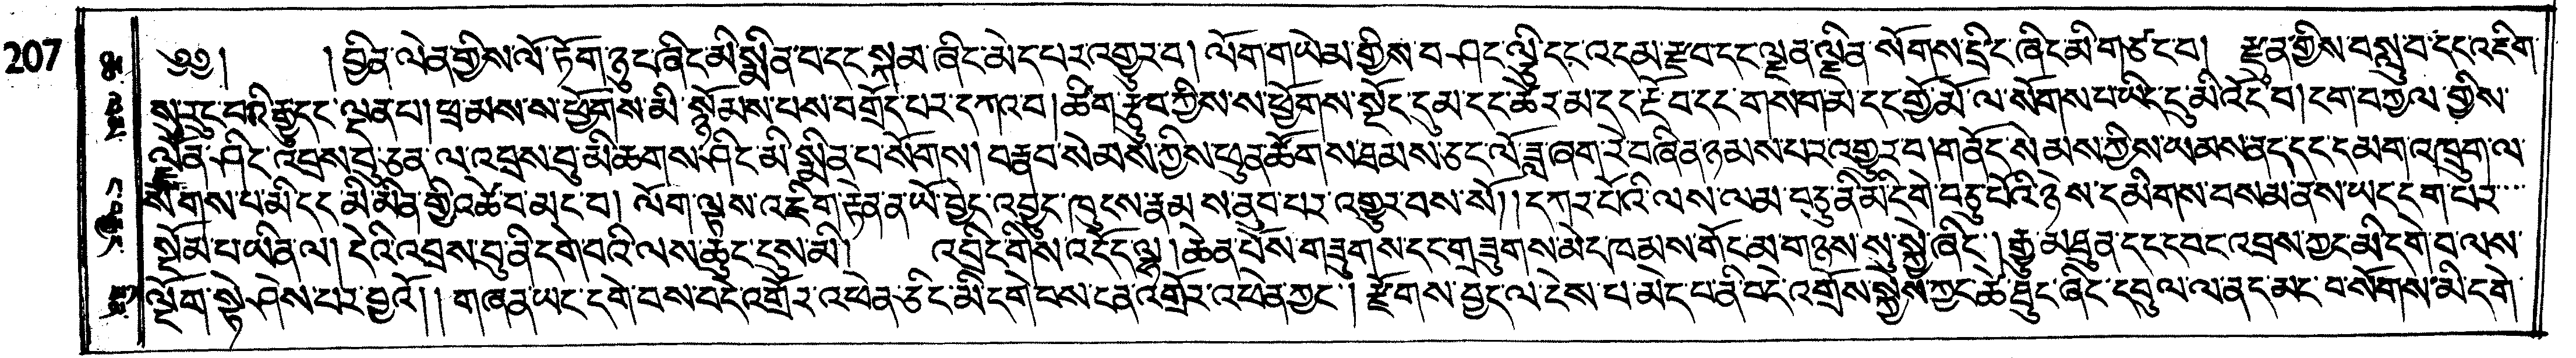༄༅། །བྱིན་ལེན་གྱིས་ལོ་ཏོག་ཉུང་ཞིང་མི་སྨིན་བ་དང་སྐམ་ཞིང་མེད་པར་འགྱུར་བ། ལོག་གཡེམ་གྱིས་བཤང་ལྕི་དང་འདམ་རྫབ་དང་ལྗན་ལྗིན་སོགས་དྲི་ང་ཞིང་མི་གཙང་བ། རྫུན་གྱིས་བསླུ་བ་དང་འཇིག་
སུ་རུང་བའི་རྒྱུ་དང་ལྡན་པ། ཕྲ་མས་ས་ཕྱོགས་མི་སྙོམས་པས་བགྲོད་པར་དཀའ་བ། ཚིག་རྩུབ་ཀྱིས་ས་ཕྱོགས་སྡོང་དུམ་དང་ཚེར་མ་དང་རྡོ་བ་དང་གསག་མ་དང་གྱོ་མོ་ལ་སོགས་པ་ཡིད་དུ་མི་འོང་བ། ངག་བཀྱལ་གྱིས་
ལྗོན་ཤིང་འབྲས་བུ་ཅན་ལ་འབྲས་བུ་མི་ཆགས་ཤིང་མི་སྨིན་པ་སོགས། བརྣབ་སེམས་ཀྱིས་ཕུན་ཚོགས་ཐམས་ཅད་ལོ་ཟླ་ཞག་རེ་བཞིན་ཉམས་པར་འགྱུར་བ། གནོད་སེམས་ཀྱིས་ཡམས་ནད་དང་དམག་འཁྲུག་ལ་
སོགས་པ་མི་དང་མི་མིན་གྱི་འཚེ་བ་མང་བ། ལོག་ལྟས་འཇིག་རྟེན་ན་ཡོ་བྱེད་འབྱུང་ཁུངས་རྣམས་ནུབ་པར་འགྱུར་བས་སོ། །དཀར་པོའི་ལས་ལམ་བཅུ་ནི་མི་དགེ་བཅུ་པོའི་ཉེས་དམིགས་བསམ་ནས་ཡང་དག་པར་
སྡོམ་པ་ཡིན་ལ། དེའི་འབྲས་བུ་ནི་དགེ་བའི་ལས་ཆུང་ངུས་མི། འབྲིང་གིས་འདོད་ལྷ། ཆེན་པོས་གཟུགས་དང་གཟུགས་མེད་ཁམས་གོང་མ་གཉས་སུ་སྐྱེ་ཞིང་། རྒྱུ་མཐུན་དང་དབང་འབྲས་ཀྱང་མི་དགེ་བ་ལས་
ལྡོག་སྟེ་ཤེས་པར་བྱའོ། །གཞན་ཡང་དགེ་བས་བདེ་འགྲོར་འཕེན་ཅིང་མི་དགེ་བས་ངན་འགྲོར་འཕེན་ཀྱང་། རྫོགས་བྱད་ལ་ངེས་པ་མེད་པ་ནི་བདེ་འགྲོས་སྐྱེས་ཀྱང་ཚེ་ཐུང་ཞིང་དབུལ་ལ་ནད་མང་བ་སོགས་མི་དགེ་